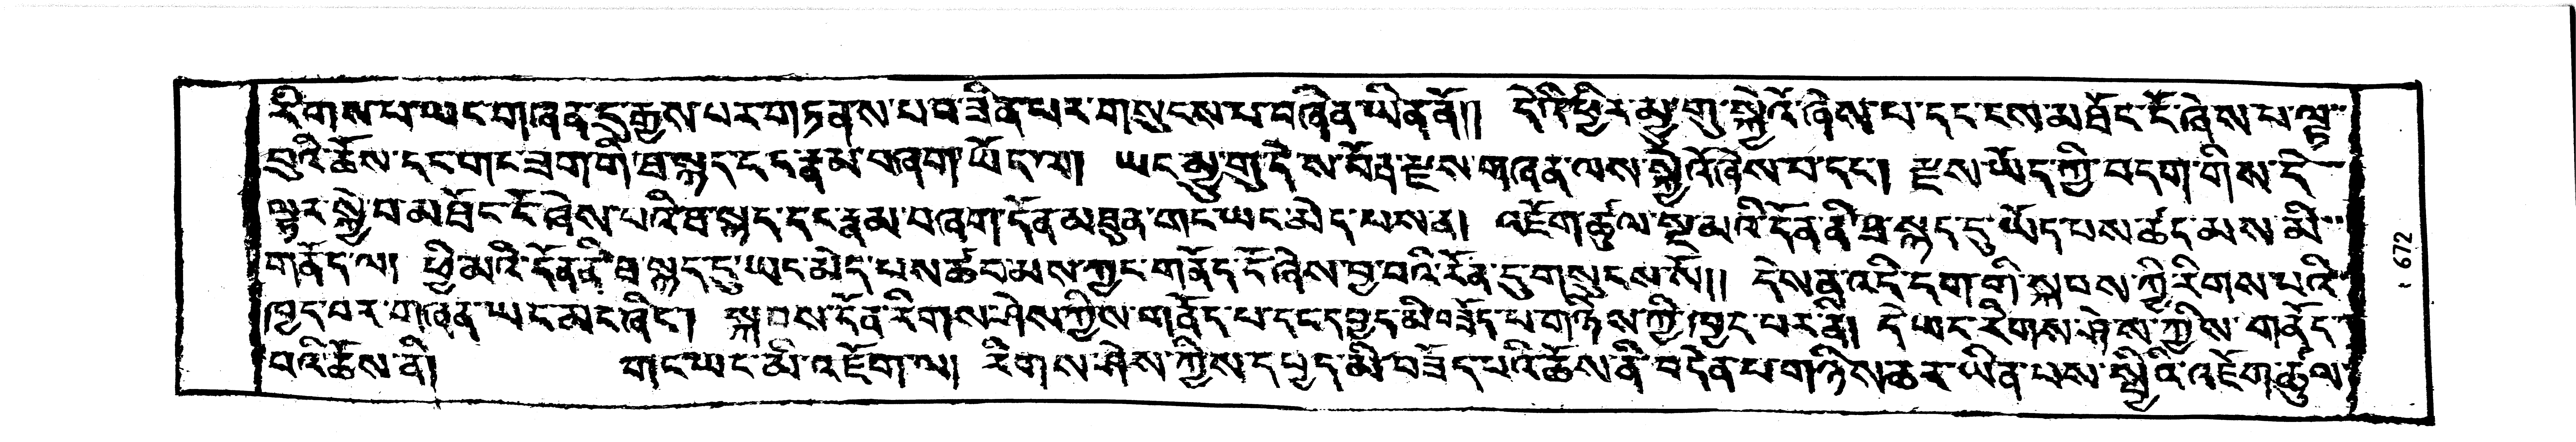རིགས་པ་ཡང་གཞན་དུ་རྒྱས་པར་གཏན་ས་པ་བ་ཟིན་པར་གསུངས་པ་བཞིན་ཡིན་ནོ། །དེའི་ཕྱིར་མྱུ་གུ་སྐྱེའོ་ཞེས་པ་དང་ངས་མཐོང་ངོ་ཞེས་པ་ལྟ་
བུའི་ཆོས་དང་གང་ཟག་གི་ཐ་སྙད་དང་རྣམ་བཞག་ཡོད་ལ། ཡང་མྱུ་གུ་དེ་ས་བོན་རྫས་གཞན་ལས་སྐྱེའོ་ཞེས་པ་དང་། རྫས་ཡོད་ཀྱི་བདག་གིས་དེ་
ལྟར་སྐྱེ་བ་མཐོང་ངོ་ཞེས་པའི་ཐ་སྙད་དང་རྣམ་བཞག་དོན་མཐུན་གང་ཡང་མེད་པས་ན། འཇོག་ཚུལ་སྔ་མའི་དོན་ནི་ཐ་སྙད་དུ་ཡོད་པས་ཚད་མས་མི་
གནོད་ལ། ཕྱི་མའི་དོན་ནི་ཐ་སྙད་དུ་ཡང་མེད་པས་ཚབ་མས་ཀྱང་གནོད་དོ་ཞེས་བྱ་བའི་རོན་དུ་གསུངས་སོ། །དེས་ན་འདི་དག་གི་སྐབས་ཀྱི་རིགས་པའི་
ཁྱད་པར་གཞན་ཡང་མང་ཞིང་། སྐབས་དོན་རིགས་ཤེས་ཀྱིས་གནོད་པ་དང་དཔྱད་མི་བཟོད་པ་གཉིས་ཀྱི་ཁྱད་པར་ནི། དེ་ཡང་རིགས་ཤེས་ཀྱིས་གནོད་
པའི་ཆོས་ནི། གང་ཡང་མི་འཇོག་ལ། རིགས་ཤེས་ཀྱིས་དཔྱད་མི་བཟོད་པའི་ཆོས་ནི་བདེན་པ་གཉིས་ཆར་ཡིན་པས་སྤྱིའི་འཇོག་ཚུལ་